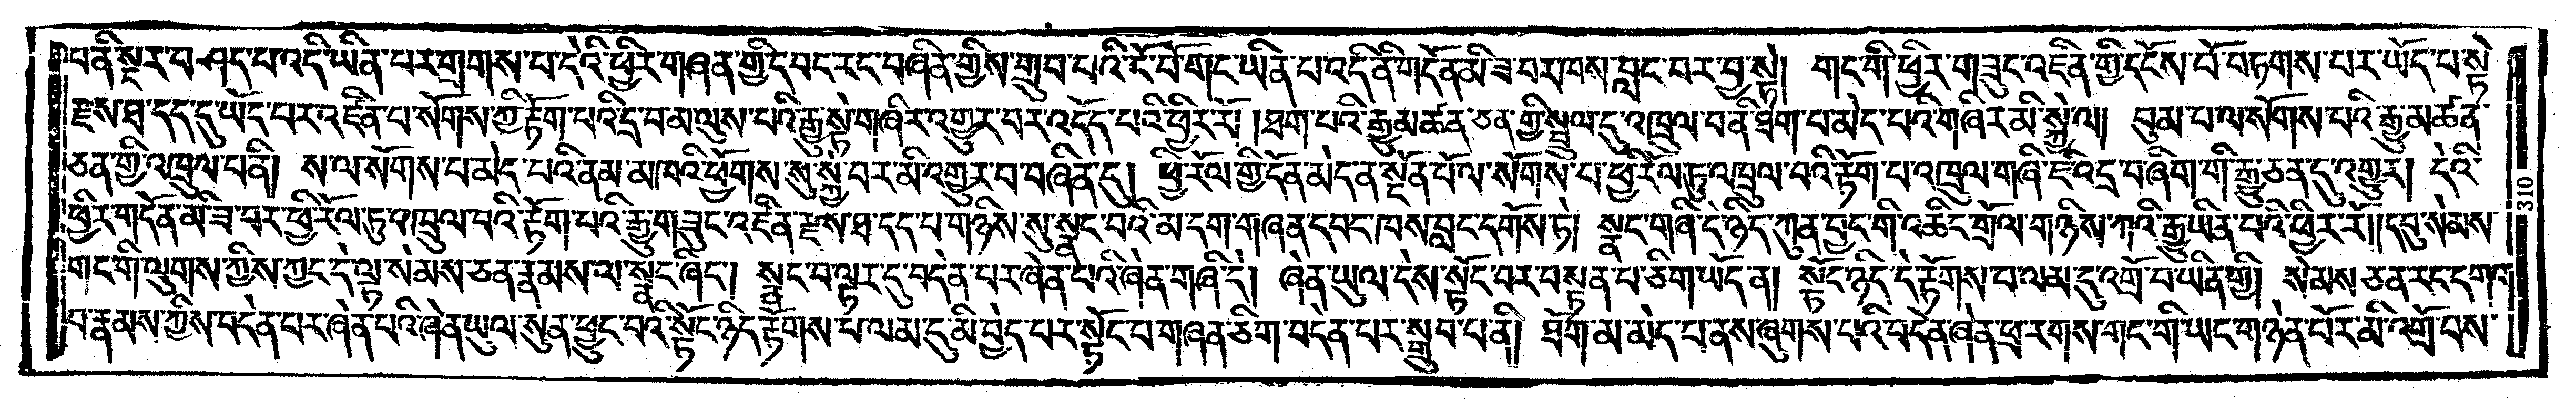པ་ནི་སྔར་བཤད་པ་འདི་ཡིན་པར་གྲགས་པ་དེའི་ཕྱིར་གཞན་གྱི་དབང་རང་བཞིན་གྱིས་གྲུབ་པའི་ངོ་བོ་གང་ཡིན་པ་འདི་ནི་གདོན་མི་ཟ་བར་ཁས་བླང་བར་བྱ་སྟེ། གང་གི་ཕྱིར་གཟུང་འཛིན་གྱི་དངོས་པོ་བཏགས་པར་ཡོད་པ་སྟེ་
རྫས་ཐ་དད་དུ་ཡོད་པར་འཛིན་པ་སོགས་ཀྱི་རྟོག་པའི་དྲ་བ་མ་ལུས་པའི་རྒྱུ་སྟེ་གཞིར་འགྱུར་བར་འདོད་པའི་ཕྱིར་རོ། །ཐག་པའི་རྒྱུ་མཚན་ཅན་གྱི་སྦྲུལ་དུ་འཁྲུལ་བ་ནི་ཐག་པ་མེད་པའི་གཞིར་མི་སྐྱེ་ལ། བུམ་པ་ལ་སོགས་པའི་རྒྱུ་མཚན་
ཅན་གྱི་འཁྲུལ་པ་ནི། ས་ལ་སོགས་པ་མེད་པའི་ནམ་མཁའི་ཕྱོགས་སུ་སྐྱེ་བར་མི་འགྱུར་བ་བཞིན་དུ། ཕྱི་རོལ་གྱི་དོན་མེད་ན་སྔོན་པོ་ལ་སོགས་པ་ཕྱི་རོལ་ཏུ་འཁྲུལ་བའི་རྟོག་པ་འཁྲུལ་གཞི་ཇི་འདྲ་བ་ཞིག་གི་རྒྱུ་ཅན་དུ་འགྱུར། དེའི་
ཕྱིར་གདོན་མི་ཟ་བར་ཕྱི་རོལ་ཏུ་འཁྲུལ་བའི་རྟོག་པའི་རྒྱུ་གཟུང་འཛིན་རྫས་ཐ་དད་པ་གཉིས་སུ་སྣང་བའི་མ་དག་གཞན་དབང་ཁས་བླང་དགོས་ཏེ། སྣང་གཞི་དེ་ཉིད་ཀུན་བྱང་གི་འཆིང་གྲོལ་གཉིས་ཀའི་རྒྱུ་ཡིན་པའི་ཕྱིར་རོ། །དབུ་སེམས་
གང་གི་ལུགས་ཀྱིས་ཀྱང་དེ་ལྟ་སེམས་ཅན་རྣམས་ལ་སྣང་ཞིང་། སྣང་བ་ལྟར་དུ་བདེན་པར་ཞེན་པའི་ཞེ་ན་གཞི་དེ། ཞེན་ཡུལ་དེས་སྟོང་པར་བསྟན་པ་ཅིག་ཡོད་ན། སྟོང་ཉིད་དེ་རྟོགས་པ་ལམ་དུ་འགྲོ་བ་ཡིན་གྱི། སེམས་ཅན་རང་དགའ་
བ་རྣམས་ཀྱིས་བདེན་པར་ཞེན་པའི་ཞེན་ཡུལ་སུན་ཕྱུང་བའི་སྟོང་ཉིད་རྟོགས་པ་ལམ་དུ་མི་བྱེད་པར་སྟོང་པ་གཞན་ཅིག་བདེན་པར་སྒྲུབ་པ་ནི། ཐོག་མ་མེད་པ་ནས་ཞུགས་པའི་བདེན་ཞེན་ཕྲ་རགས་གང་གི་ཡང་གཉེན་པོར་མི་འགྲོ་བས་